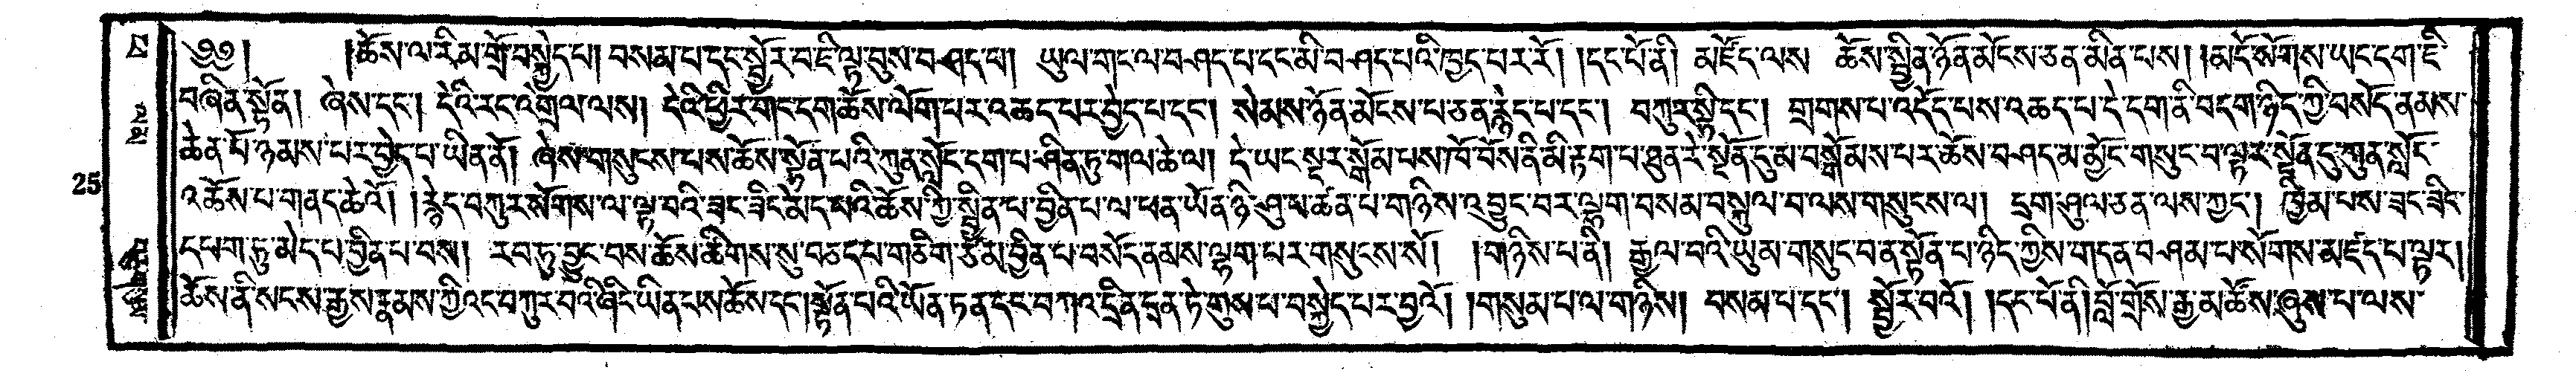༄༅། །ཆོས་ལ་རིམ་གྲོ་བསྐྱེད་པ། བསམ་པ་དང་སྦྱོར་བ་ཇི་ལྟ་བུས་བཤད་པ། ཡུལ་གང་ལ་བཤད་པ་དང་མི་བཤད་པའི་ཁྱད་པར་རོ། །དང་པོ་ནི། མཛོད་ལས་ཆོས་སྦྱིན་ཉོན་མོངས་ཅན་མིན་པས། །མདོ་སོགས་ཡང་དག་ཇི་
བཞིན་སྟོན། ཞེས་དང་། དེའི་རང་འགྲེལ་ལས། དེའི་ཕྱིར་གང་དག་ཆོས་ལོག་པར་འཆད་པར་བྱེད་པ་དང་། སེམས་ཉོན་མོངས་པ་ཅན་རྙེད་པ་དང་། བཀུར་སྟི་དང་། གྲགས་པ་འདོད་པས་འཆད་པ་དེ་དག་ནི་བདག་ཉིད་ཀྱི་བསོད་ནམས་
ཆེན་པོ་ཉམས་པར་བྱེད་པ་ཡིན་ནོ། ཞེས་གསུངས་པས་ཆོས་སྟོན་པའི་ཀུན་སློང་དག་པ་ཤིན་ཏུ་གལ་ཆེ་ལ། དེ་ཡང་སྔར་སྒོམ་པས་ཁོ་བོས་ནི་མི་རྟག་པ་ཐུན་རེ་སྔོན་དུ་མ་བསྒོམས་པར་ཆོས་བཤད་མ་མྱོང་གསུང་བ་ལྟར་སྔོན་དུ་ཀུན་སློང་
འཆོས་པ་གནད་ཆེའོ། །རྙེད་བཀུར་སོགས་ལ་ལྟ་བའི་ཟང་ཟིང་མེད་པའི་ཆོས་ཀྱི་སྦྱིན་པ་བྱིན་པ་ལ་ཕན་ཡོན་ཉི་ཤུ་པ་ཚན་པ་གཉིས་འབྱུང་བར་ལྷག་བསམ་བསྐུལ་བ་ལས་གསུངས་ལ། དྲག་ཤུལ་ཅན་ལས་ཀྱང་། ཁྱིམ་པས་ཟང་ཟིང་
དཔག་ཏུ་མེད་པ་བྱིན་པ་བས། རབ་ཏུ་བྱུང་བས་ཆོས་ཚིགས་སུ་བཅད་པ་གཅིག་ཙམ་བྱིན་པ་བསོད་ནམས་ལྷག་པར་གསུངས་སོ། །གཉིས་པ་ནི། རྒྱལ་བའི་ཡུམ་གསུང་བ་ན་སྟོན་པ་ཉིད་ཀྱིས་གདན་བཤམ་པ་སོགས་མཛད་པ་ལྟར།
ཆོས་ནི་སངས་རྒྱས་རྣམས་ཀྱིའང་བཀུར་བའི་ཞིང་ཡིན་པས་ཆོས་དང་། སྟོན་པའི་ཡོན་ཏན་དང་བཀའ་དྲིན་དྲན་ཏེ་གུས་པ་བསྐྱེད་པར་བྱའོ། །གསུམ་པ་ལ་གཉིས། བསམ་པ་དང་། སྦྱོར་བའོ། །དང་པོ་ནི། བློ་གྲོས་རྒྱ་མཚོས་ཞུས་པ་ལས་